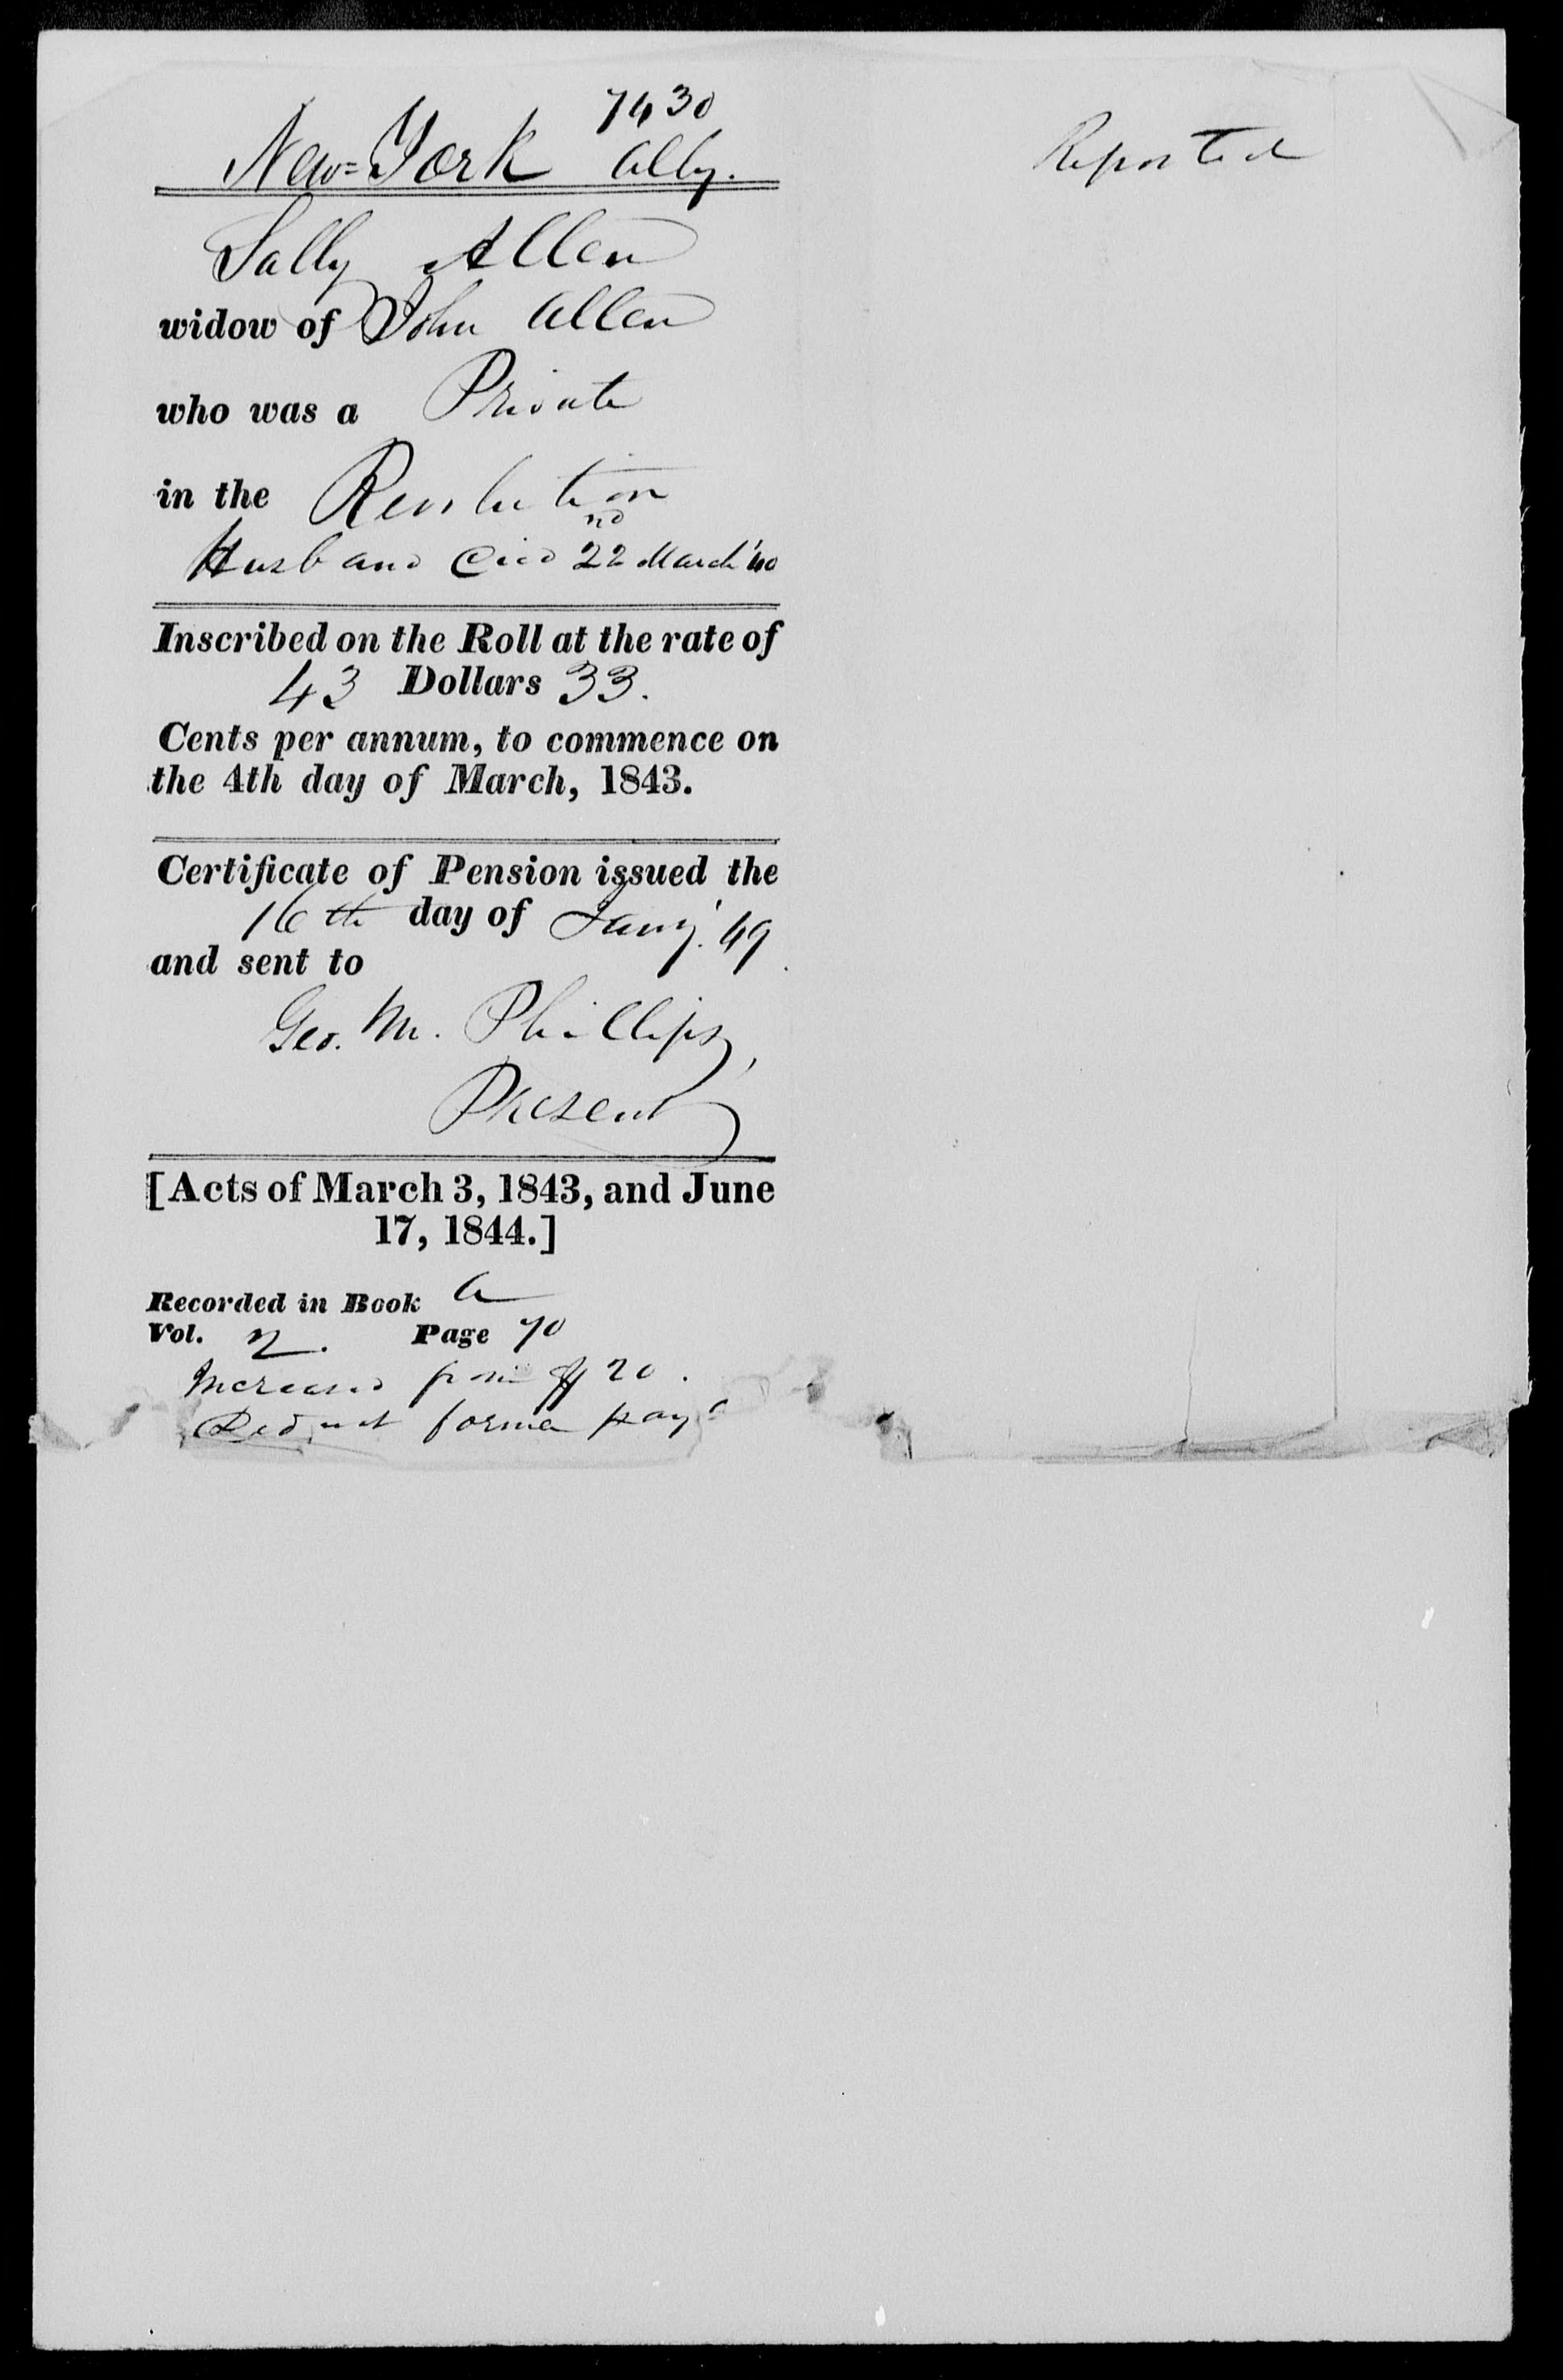New York 7430 Alby.
Sally Allen
widow of John Allen
who was a Private
in the Revolution
Husband died 22 March ‘40
Inscribed on the Roll at the rate of
43 Dollars 33
Cents per annum, to commence on
the 4th day of March, 1843.
Certificate of Pension issued the
16th day of Jany 49
and sent to
Geo. M. Phillips
Present
[Acts of March 3, 1843, and June
17, 1844.]
Recorded in Book a
Vol. 2 Page 70
Increased from $20
Deduct former pay

[right side]
Reported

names: Sally Allen, John Allen, Geo M Phillips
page: 33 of 74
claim: widow's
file: W. 23424, John Allen, Mass. R. I.